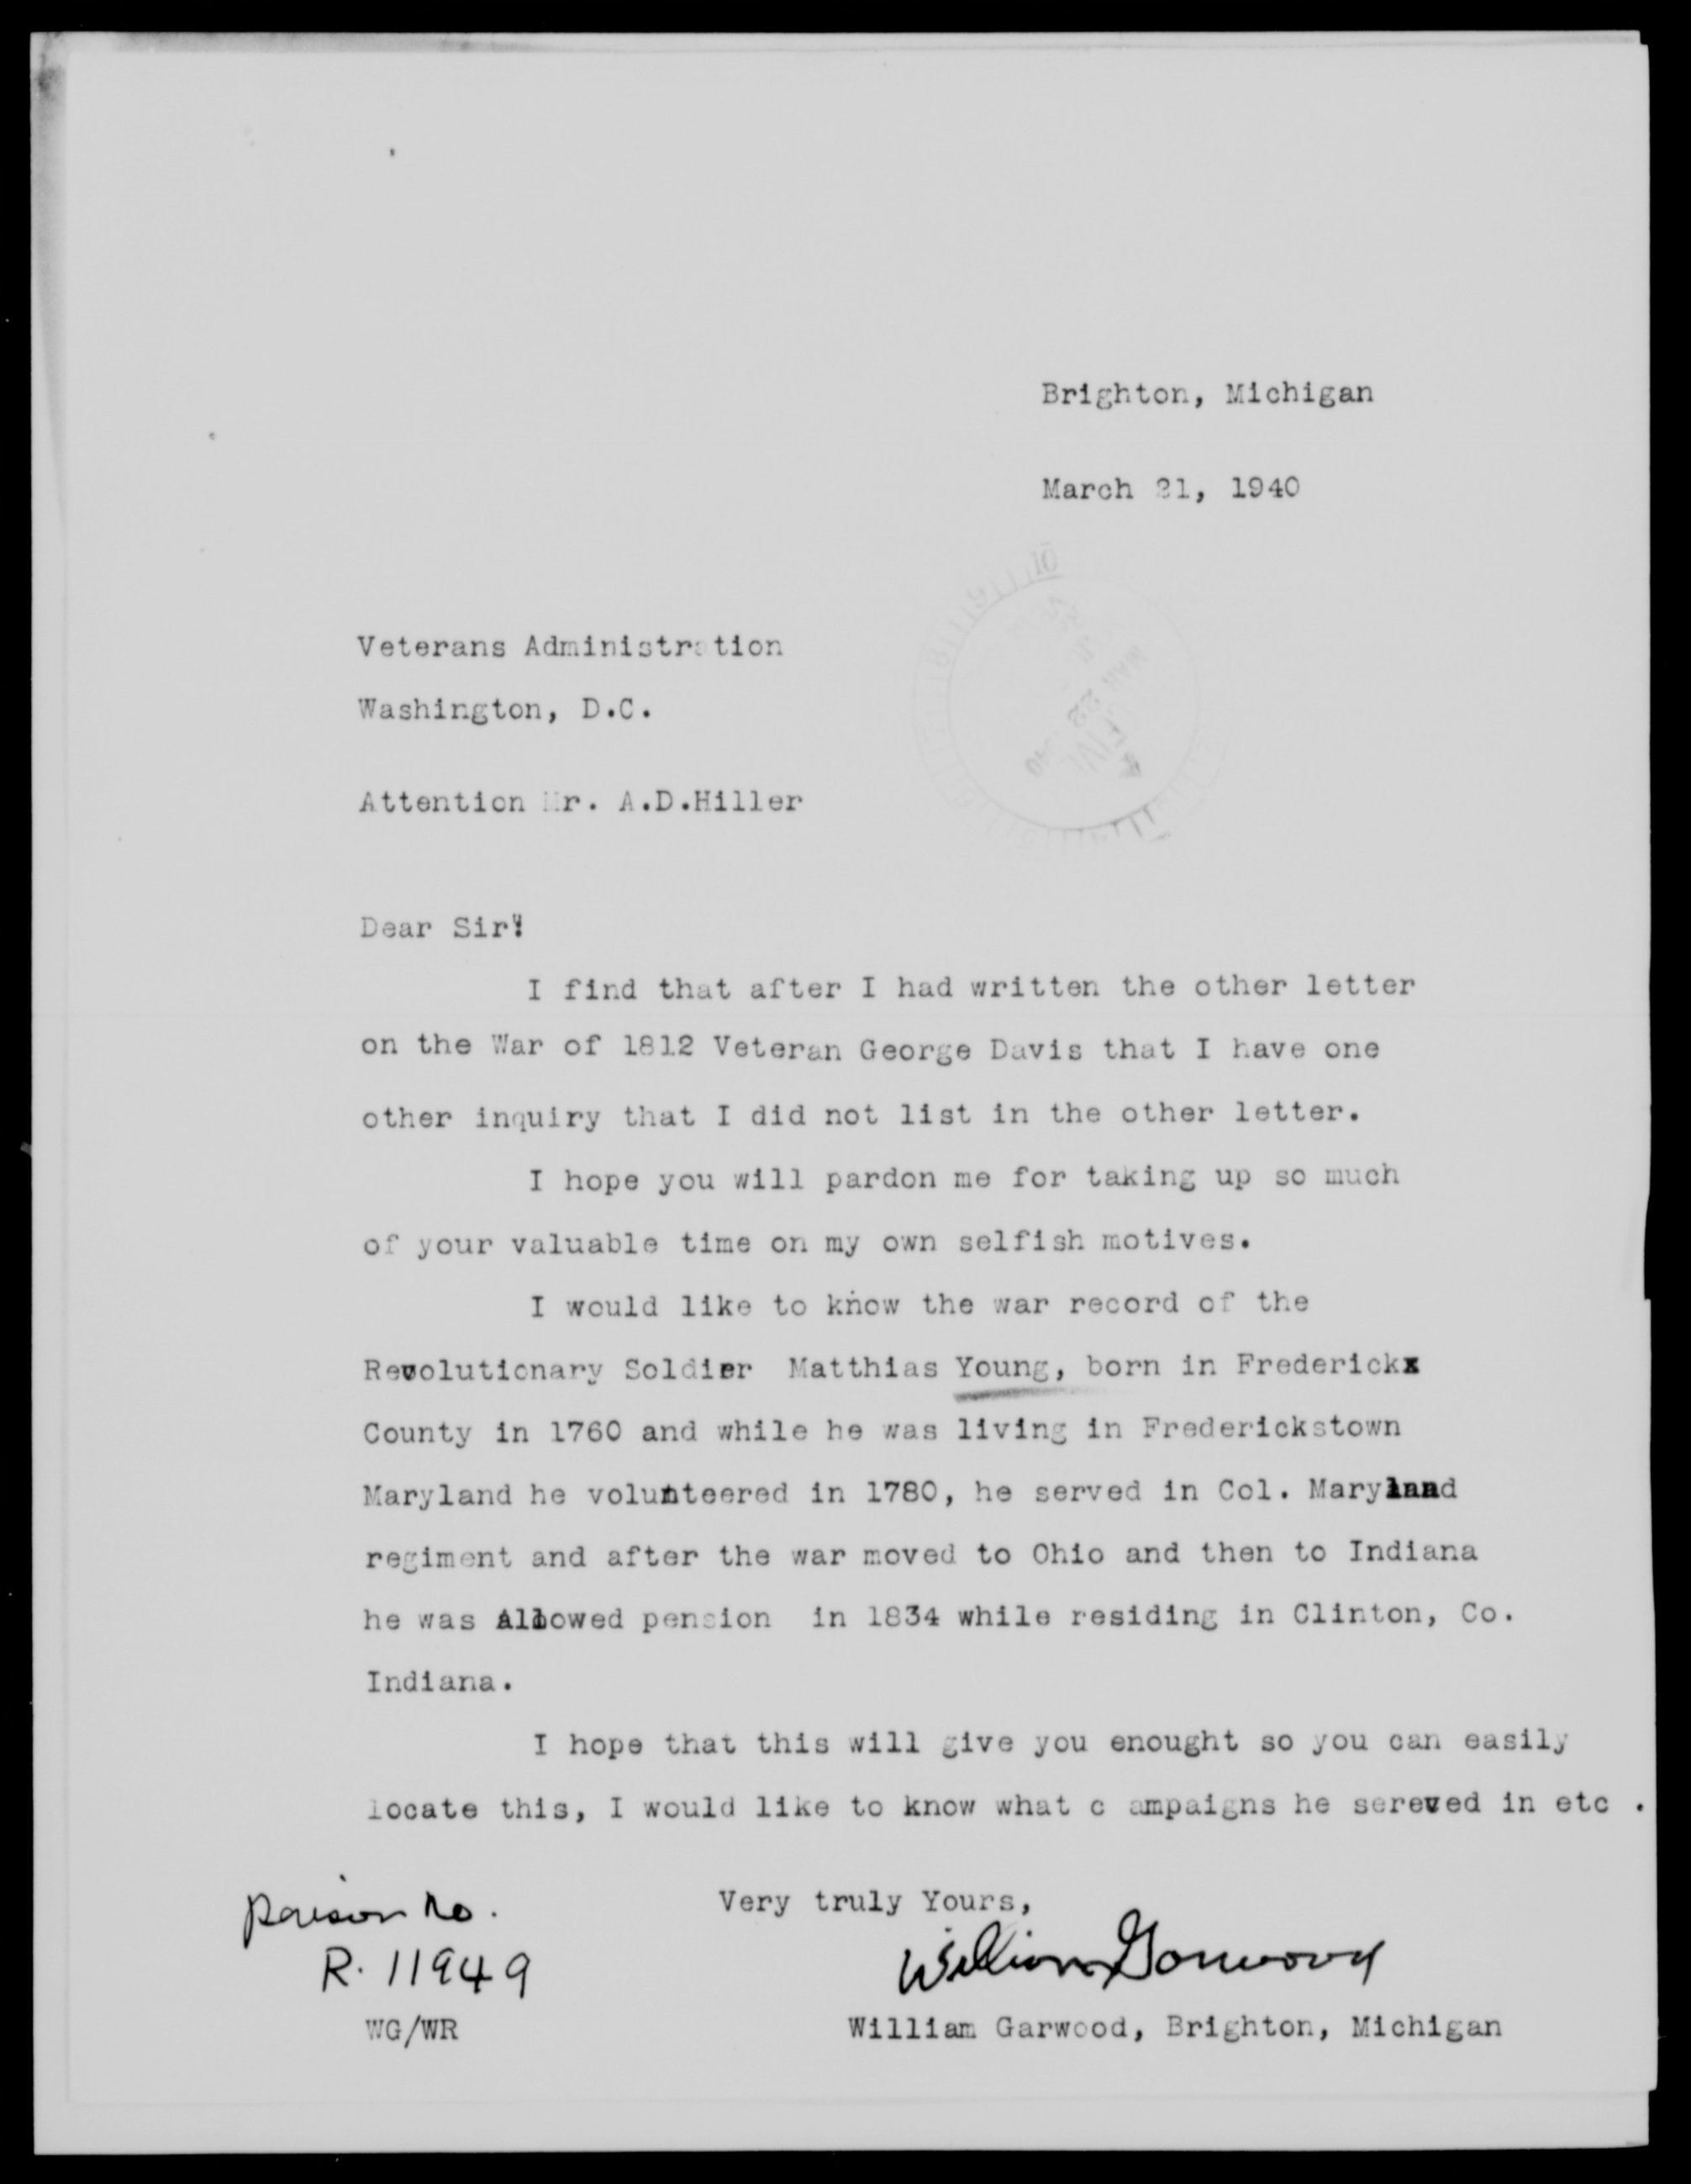Brighton, Michigan
March 21, 1940

Veterans Administration
Washington, D.C.
Attention Mr. A. D. Hiller
Dear Sir:
I find that after I had written the other letter
on the War of 1812 Veteran George Davis that I have one other inquiry that I did not list in the other letter.
I hope you will pardon me for taking up so much
of your valuable time on my own selfish motives.
I would like to know the war record of the
Revolutionary Soldier Matthias Young, born in Frederick County in 1760 and while he was living in Frederickstown Maryland he volunteered in 1780, he served in Col. Maryland
regiment and after the war moved to Ohio and then to Indiana
he was allowed pension in 1834 while residing in Clinton, Co. Indiana.
I hope that this will give you enought so you can easily locate this, I would like to know what campaigns he served in etc
Very truly Yours,
William Goward
William Garwood, Brighton, Michigan
WG/WR

Penson no..
R. 11949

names: Matthias Young, George Davis, William Garwood, A D Hiller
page: 55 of 123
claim: rejected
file: R. 11,949, Matthias Young, Md.